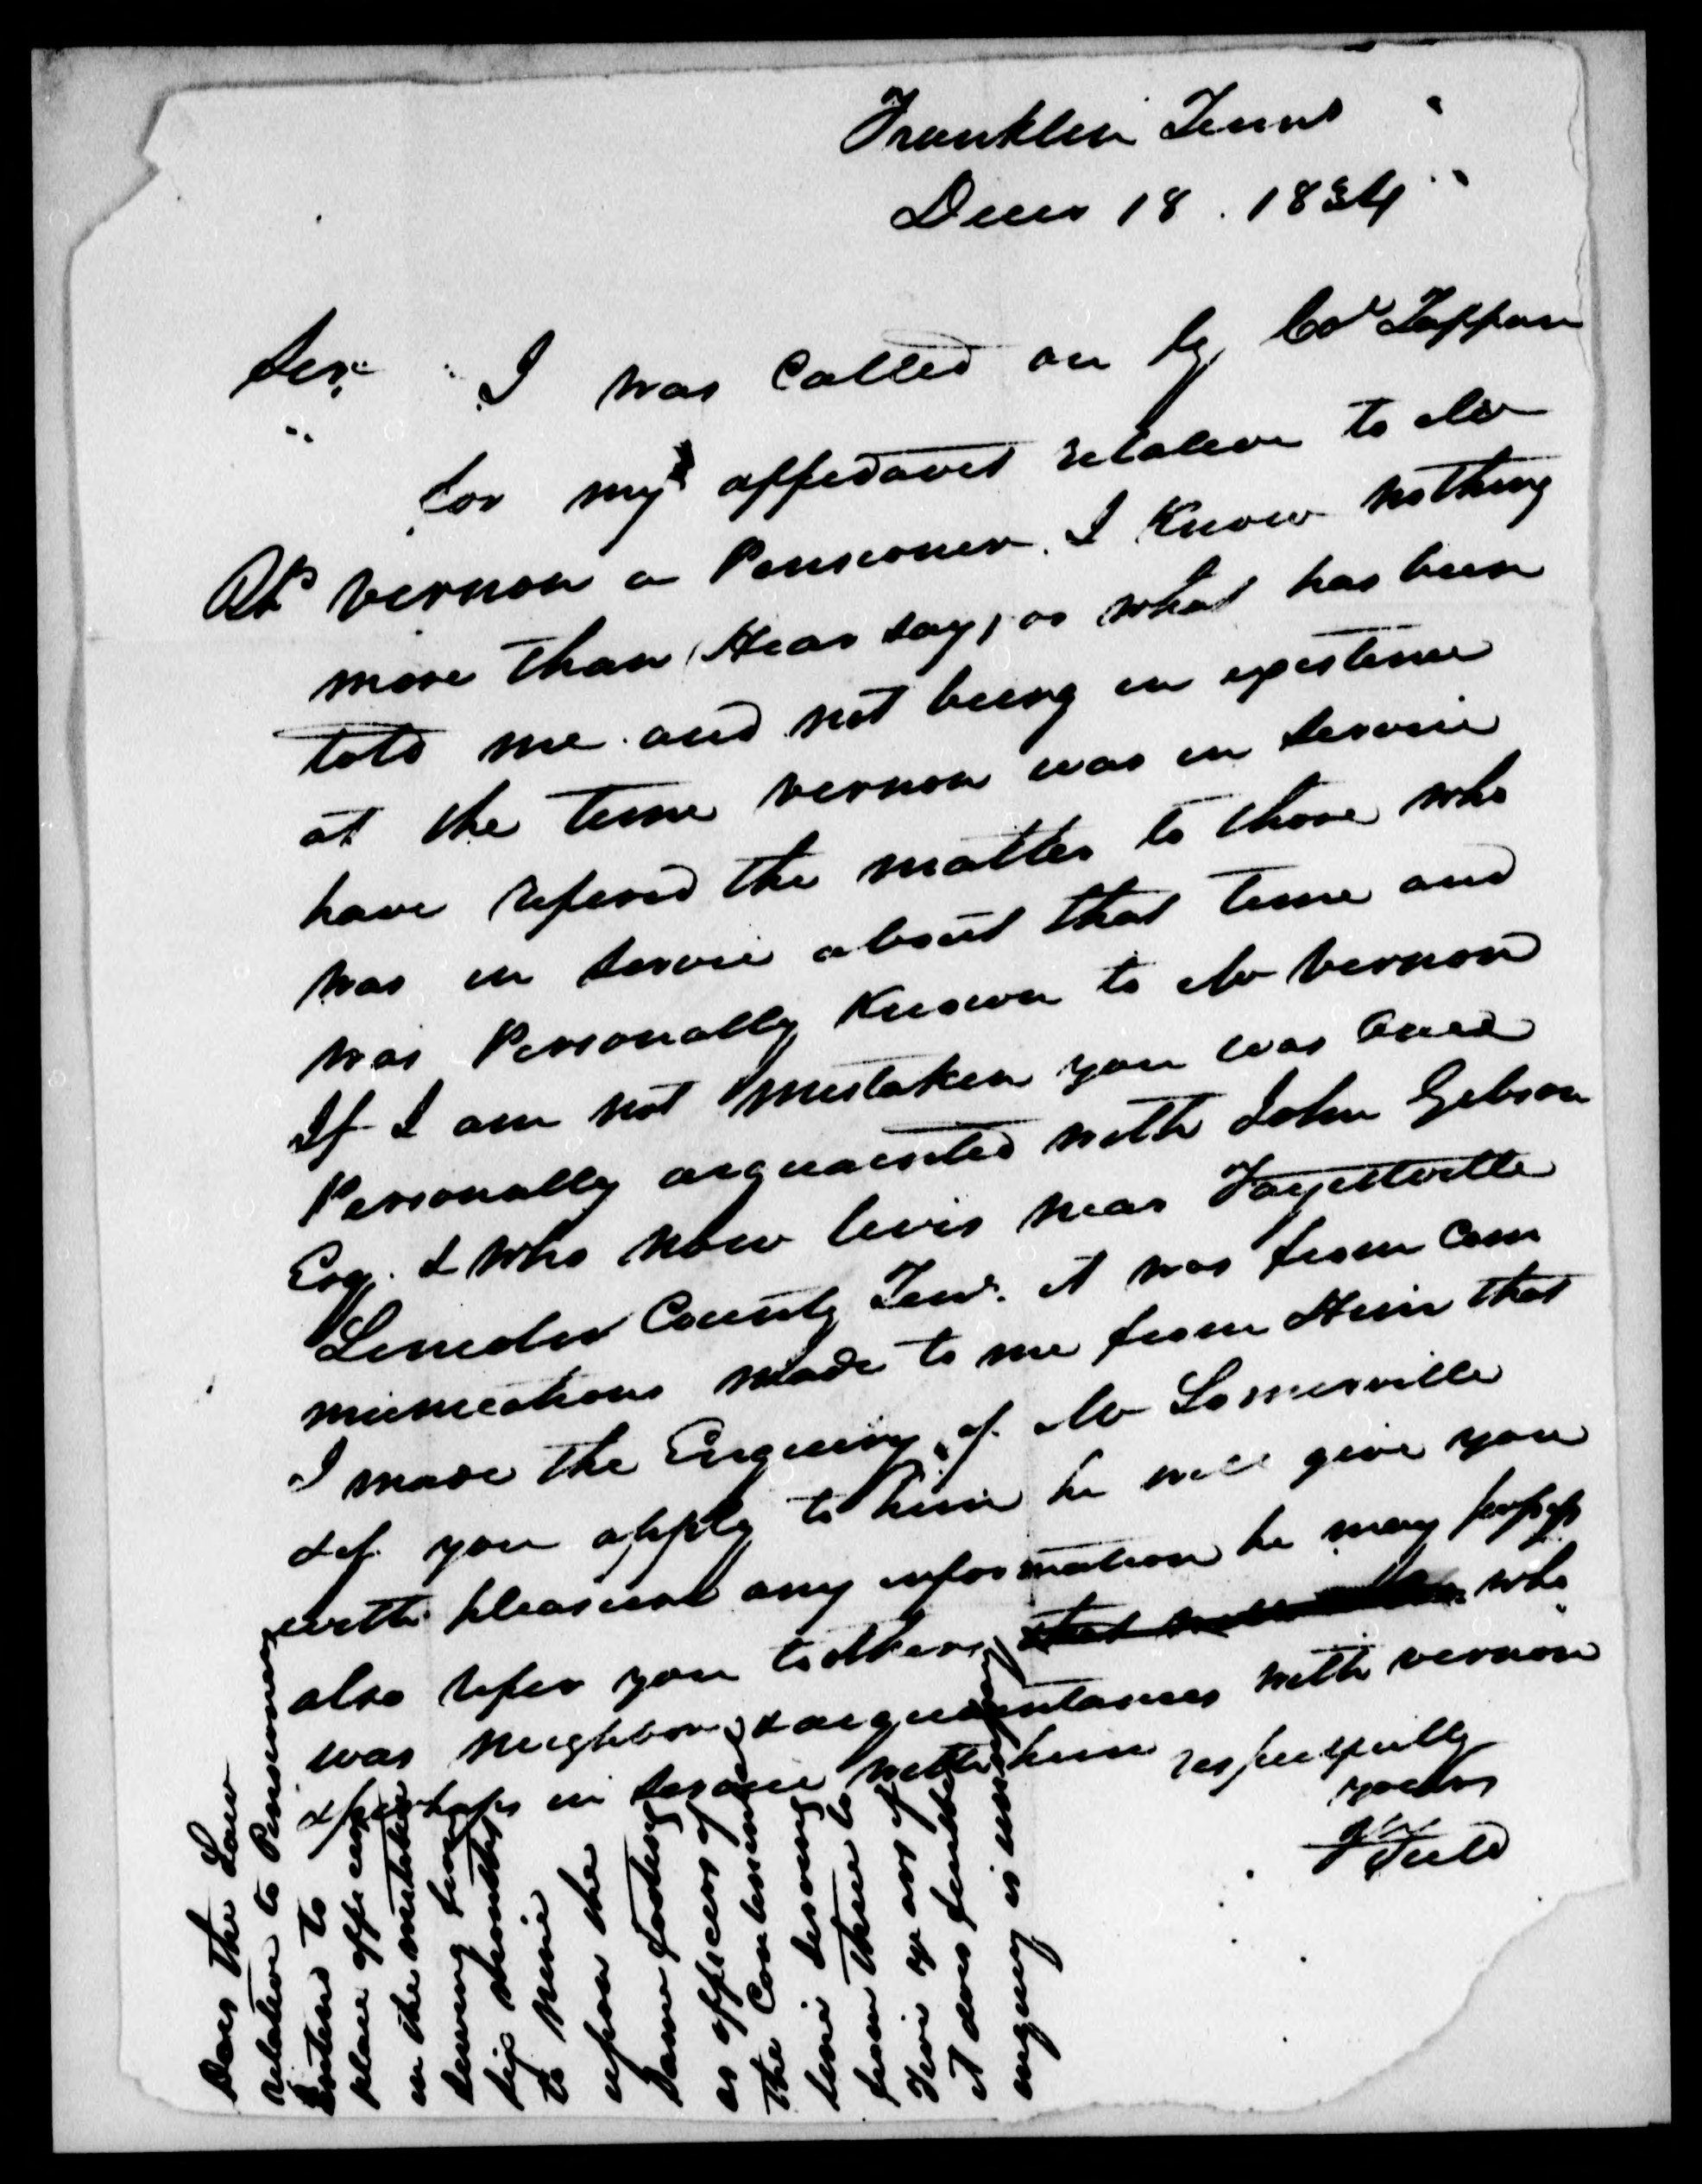Franklin Tenns
Decer 18. 1834

Sir
I was called on by Col Tappan for my affidavit relative to old Rd. Vernon a Pensioner. I know nothing more than Hear say, as what has been told me and not being in existence at the time Vernon was in Service have referred the matter to those who was in Service about that time and  was Personally known to be Vernon. If I am not mistaken you was also Personally acquainted with John Gibson Esq. & who now lives near Fayetteville Lincoln County Tenn it was from communications made to me from Heirs that I made the Enquiry of to W Lomenville & if  you apply to him he will give you with pleasure any information he may possess also refer you to others who was neighbors & acquaintances with Vernon & perhaps in Service with him
Respectfully
Yours
J Fields

Does the Law relative to Pensioners intend to place officers in the mistaken Services from his months to nine upon the same footing as officers of the Continental line Services from three to Five yr and if it does further inquiry is unnecessary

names: Vernon, Tappan, J Field, John Gibson, Vernon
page: 60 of 105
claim: survivor's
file: S. 1883, Richard Vernon, N.C.